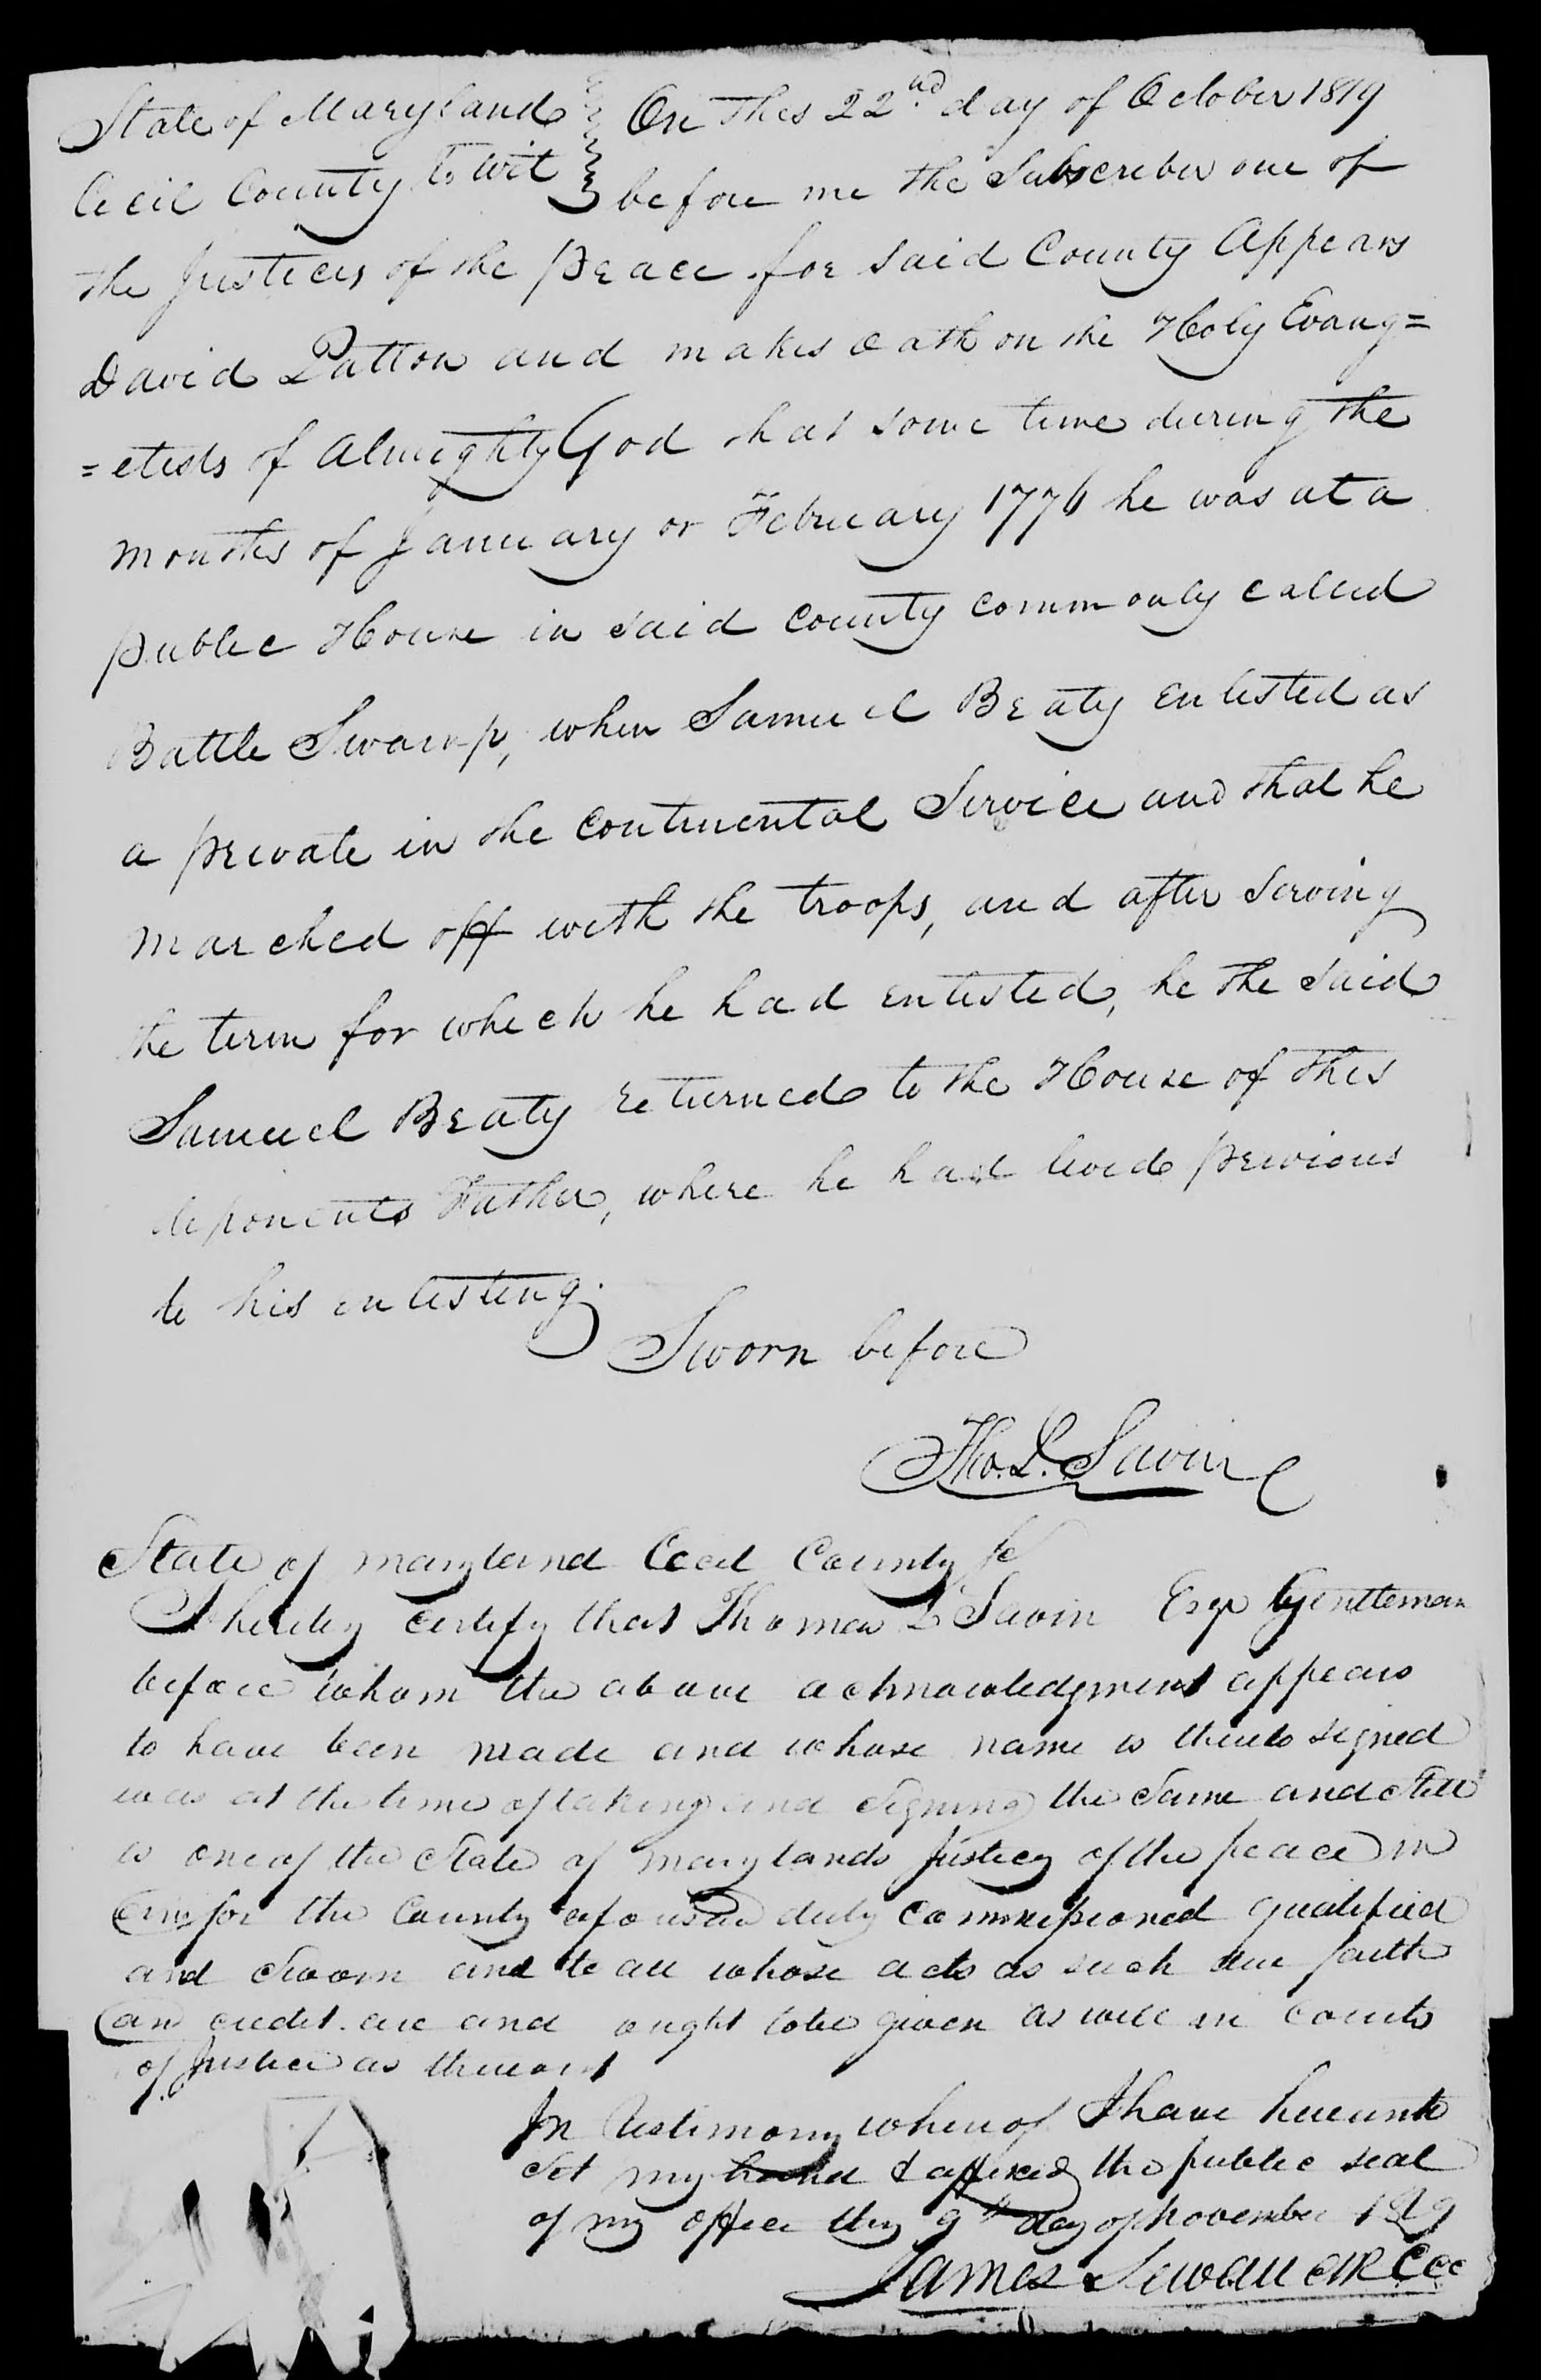State of Maryland
Cecil County, to wit
On this 22nd day of October 1819, before me the Subscriber, one of Justices of the Peace for said County, appears David and Patton, and makes oath on the Holy Evangelists of Almighty God, that sometime during the
months of January or February 1776, he was at a Public House in said county commonly called
Battle Swamp, when Samuel Beaty enlisted as a
private in the continental Service, and that he
marched off with the troops, and after serving
the term for which he had enlisted, he, the said
Samuel Beaty, returned to the House of this
deponent's Father, where he has lived previous
to his enlisting.
Sworn before Tho. L. Lewin

State of Maryland Cecil County
I hereby certify that Thomas L. Savin Esqr Gentleman, before whom the above acknowledgment appears to have been made, and whose name is thereto signed, was at the time of taking and Signing the same and still one of the State of Maryland's Justice of the peace in and for the County aforesaid, duly commissioned qualified, and sworn and to all whose acts as such due faith and credit are and ought to be given as well in the Court of Justice as thereon.
In testimony whereof I have hereunto set my hand & affixed the public seal of my office this day of November 29.
James Sewall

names: David Patton, Tho L Savine, James Sewall, Thomas L Savin, Samuel Beaty, Samuel Beaty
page: 26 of 31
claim: survivor's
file: S. 34646, Samuel Beaty, Penn.